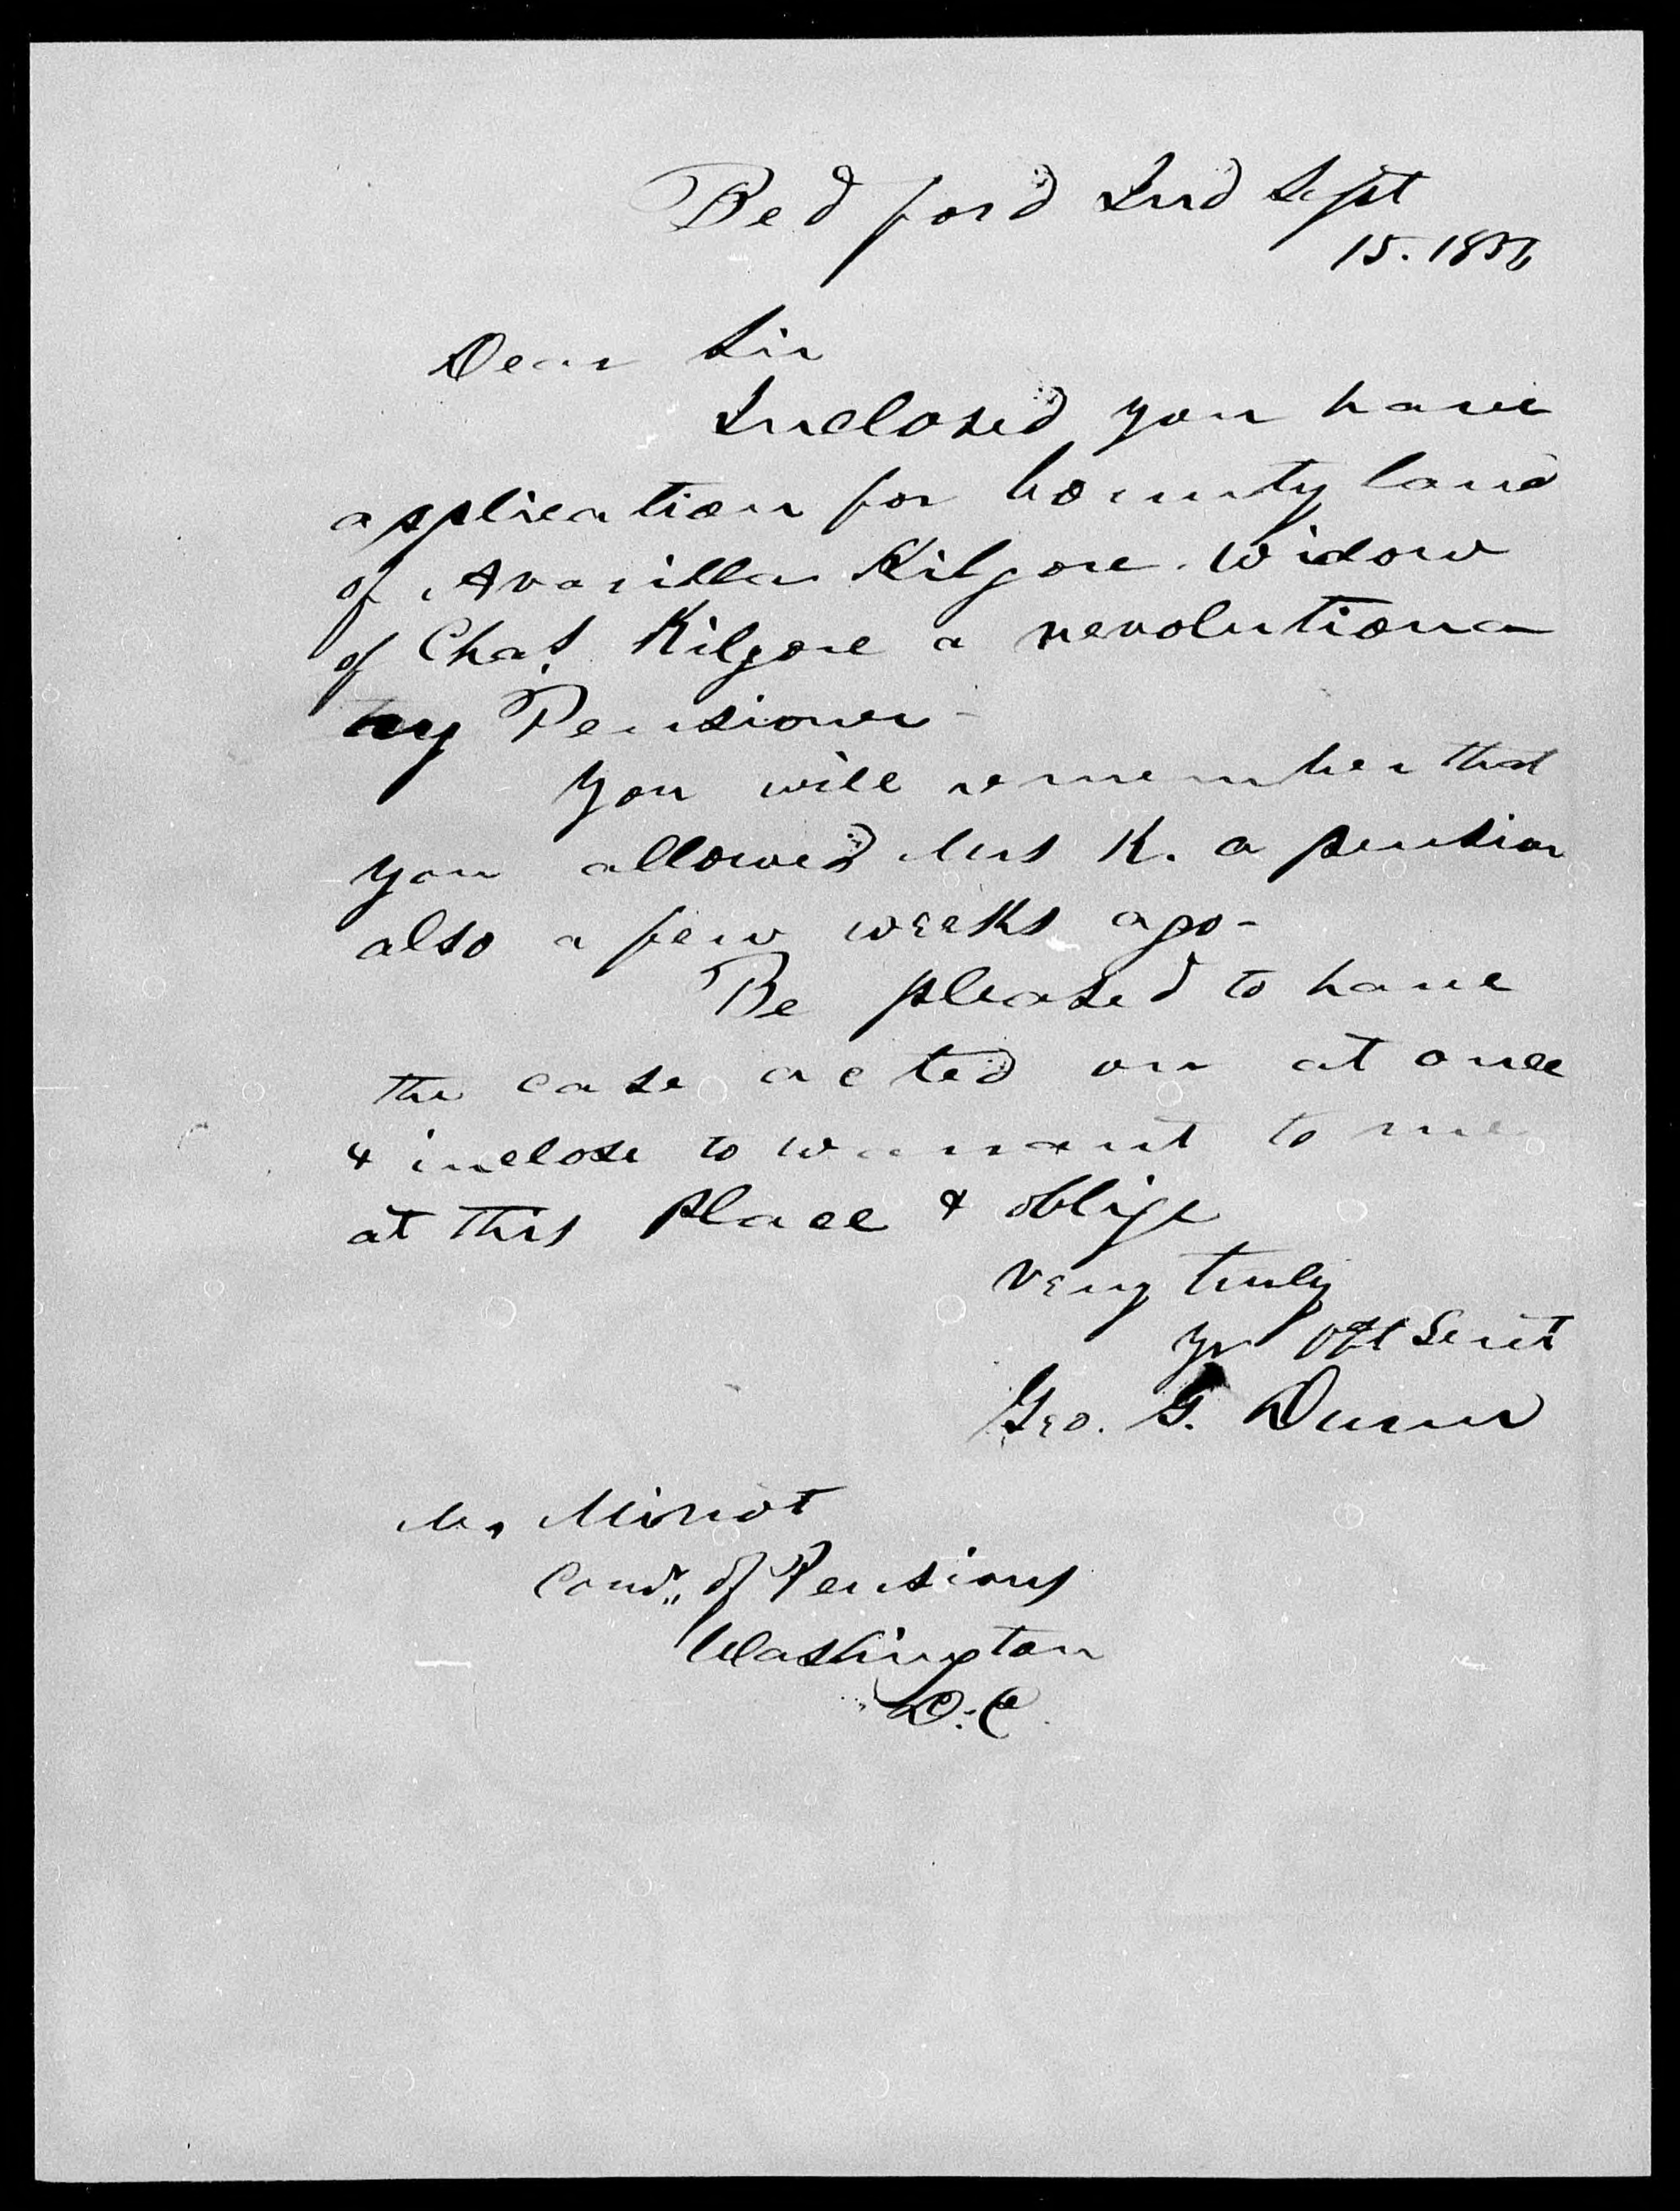Bedford Ind Sept 15. 1856

Dear Sir
Inclosed you have application for bounty land of Avarilla Kilgore, Widow of Chas. Kilgore a revolutionary Pensioner.
You will member that you allowed Mrs K. a pension also a few weeks ago.
Be pleased to have the case acted on at once & inclose to warrant to me at this place & oblige
Very truly
your obt Servt
Geo. G. Dunn
M. Minot
Comr. of Pensions
Washington D.C.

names: [BLANK] Minot; Chas Kilgore; Geo G Dunn; Avarilla Kilgore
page: 94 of 115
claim: survivor's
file: S. 699, for Charles Kilgore, Virginia